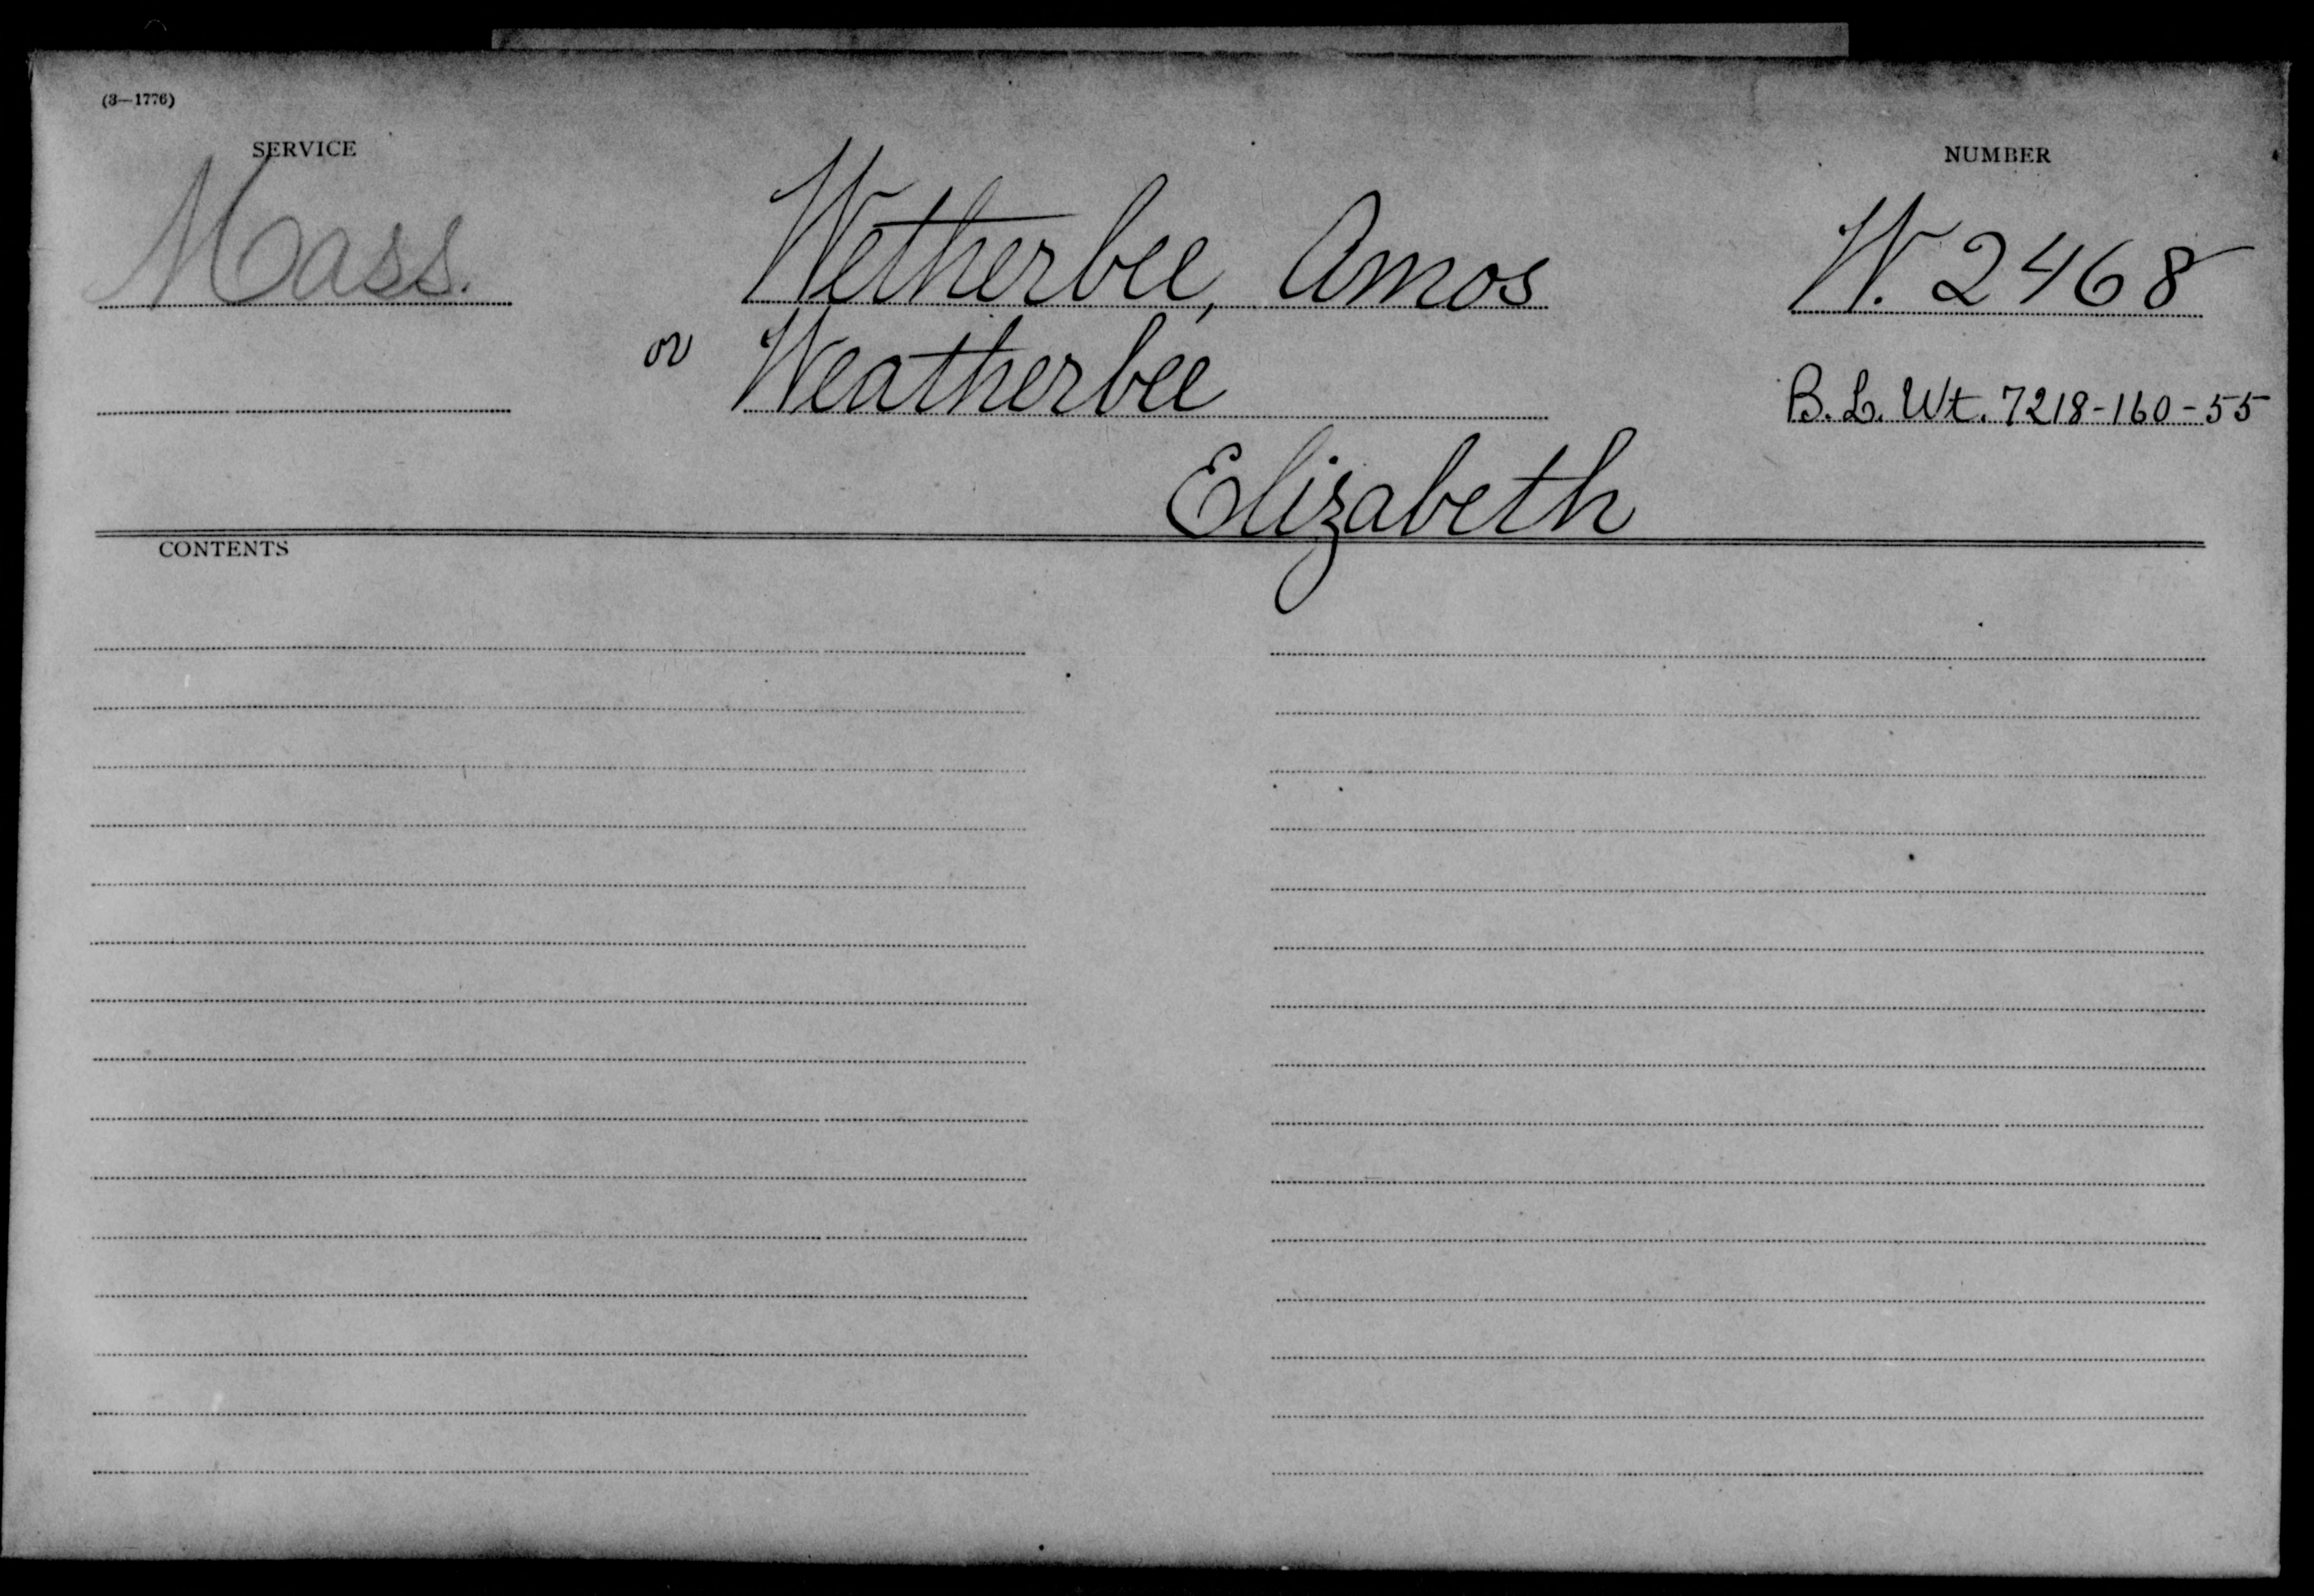(3-1776)

SERVICE
Mass.

Wetherbee, Amos
Wetherbee Elizabeth

NUMBER
W. 2468

CONTENTS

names: Amos Weatherbee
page: 1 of 66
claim: widow's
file: W. 2468, Amos Wetherbee, Mass.